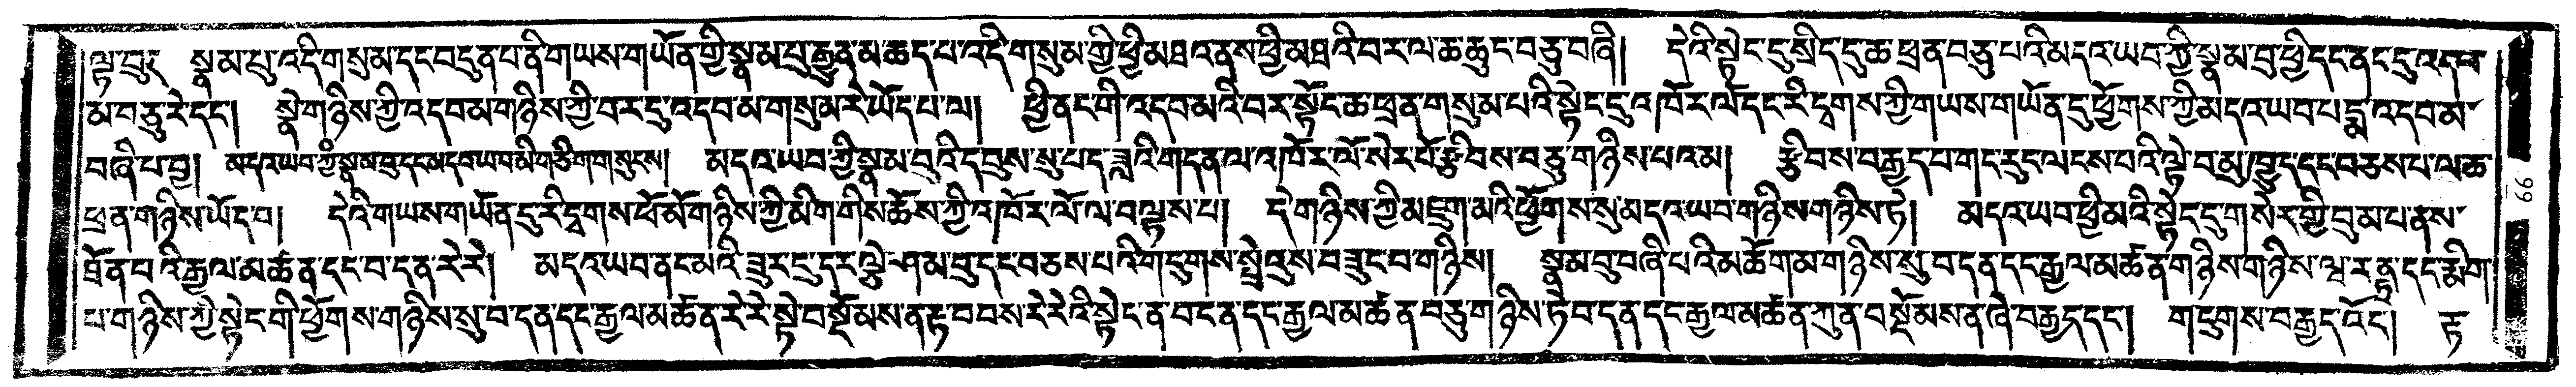ལྟ་བུ༑ སྣམ་པུ་འདི་གསུམ་དང་བདུན་པ་ནི་གཡས་གཡོན་གྱི་སྣམ་བུ་རྒྱུན་མ་ཆད་པ་འདི་གསུམ་གྱི་ཕྱི་མཐའ་ནས་ཕྱི་མཐའི་བར་ལ་ཆ་ཆུང་བཅུ་བཞི། དེའི་སྟེང་དུ་སྲིད་དུ་ཆ་ཕྲན་བཅུ་པའི་མདའ་ཡབ་ཀྱི་སྣམ་བུ་ཕྱི་དང་ནང་དུ་འདབ་
མ་བཅུ་རེ་དང་། སྣེ་གཉིས་ཀྱི་འདབ་མ་གཉིས་ཀྱི་བར་དུ་འདབ་མ་གསུམ་རེ་ཡོད་པ་ལ། ཕྱི་ནང་གི་འདབ་མའི་བར་སྟོང་ཆ་ཕྲན་གསུམ་པའི་སྟེང་དུ་འཁོར་ལོ་དང་རི་དྭགས་ཀྱི་གཡས་གཡོན་དུ་ཕྱོགས་ཀྱི་མདའ་ཡབ་པདམ་འདབ་མ་
བཞི་པ་བྱ། མདའ་ཡབ་ཀྱི་སྣམ་བུ་དང་མདའ་ཡབ་མི་གཅིག་གསུངས། མདའ་ཡབ་ཀྱི་སྣམ་བུའི་དབུས་སུ་པད་ཟླའི་གདན་ལ་འཁོར་ལོ་སེར་པོ་རྩིབས་བཅུ་གཉིས་པའམ། རྩིབས་བརྒྱད་པ་གང་རུང་ལངས་བའི་ལྟེ་བ་མུ་ཁྱུད་དང་བཅས་པ་ལ་ཆ་
ཕྲན་གཉིས་ཡོད་པ། དེའི་གཡས་གཡོན་དུ་རི་དྭགས་ཕོ་མོ་གཉིས་ཀྱི་མིག་གིས་ཆོས་ཀྱི་འཁོར་ལོ་ལ་བལྟས་པ། དེ་གཉིས་ཀྱི་མཇུག་མའི་ཕྱོགས་སུ་མདའ་ཡབ་གཉིས་གཉིས་ཏེ། མདའ་ཡབ་ཕྱི་མའི་སྟེང་དུ་གསེར་གྱི་བུམ་པ་ནས་
ཐོན་པའི་རྒྱལ་མཚན་དང་བ་དན་རེ་རེ། མདའ་ཡབ་ནང་མའི་ཟུར་དུ་དར་ལྕེ་ཤམ་བུ་དང་བཅས་པའི་གདུགས་སྤྲེའུ་ས་བཟུང་བ་གཉིས། སྣམ་བུ་བཞི་པའི་མཆོག་མ་གཉིས་སུ་བ་དན་དང་རྒྱལ་མཚན་གཉིས་གཉིས་ཝ་རནྟྲ་དང་རྨིག་
པ་གཉིས་ཀྱི་སྟེང་གི་ཕྱོགས་གཉིས་སུ་བ་དན་དང་རྒྱལ་མཚན་རེ་རེ་སྟེ་བསྡོམས་ན་རྟ་བབས་རེ་རེའི་སྟེང་ན་བ་དན་དང་རྒྱལ་མཚན་བཅུ་གཉིས་ཏེ་བ་དན་དང་རྒྱལ་མཚན་ཀུན་བསྡོམས་ན་ཞེ་བརྒྱད་དང་། གདུགས་བརྒྱད་འོང་། རྟ་